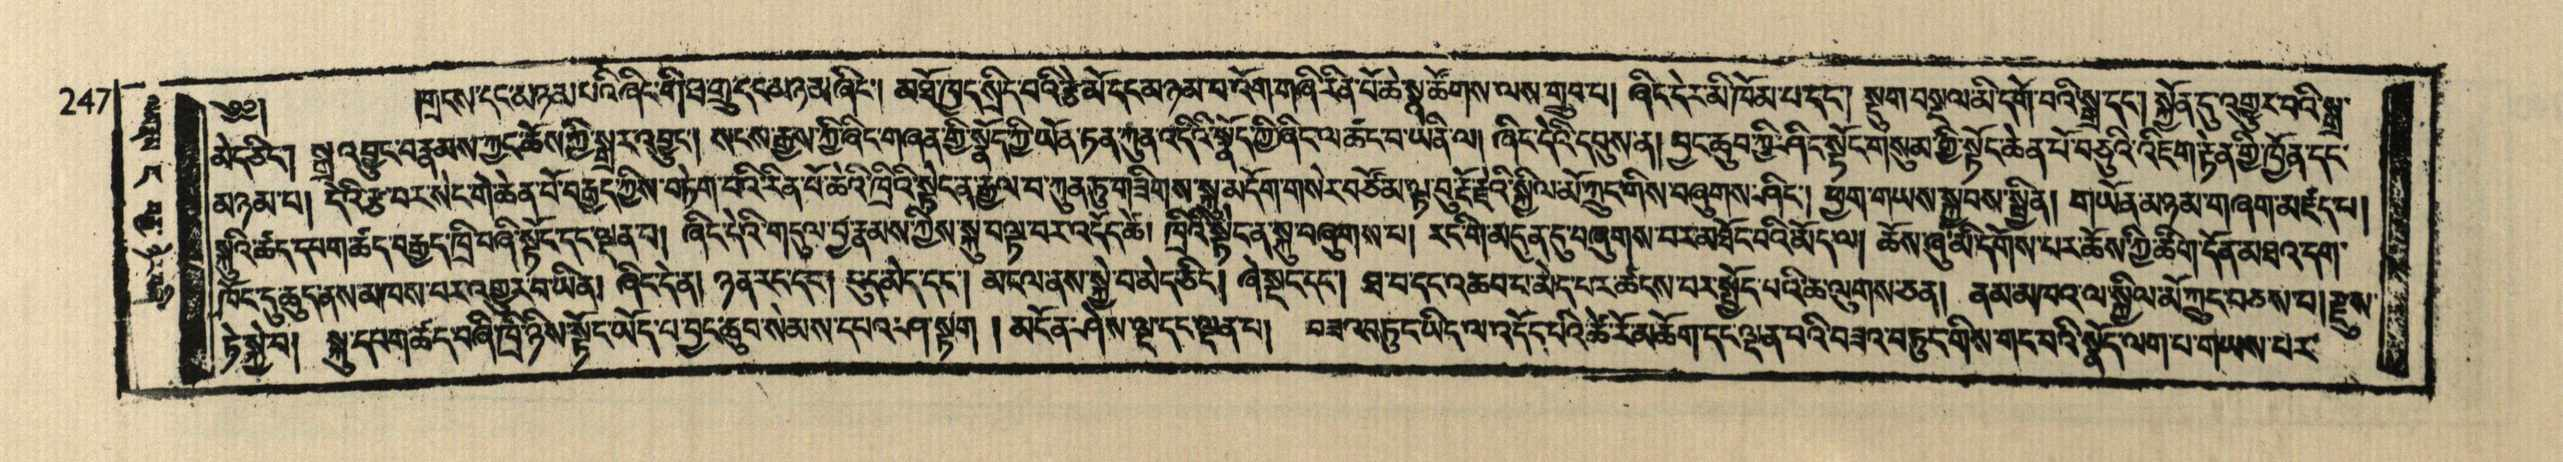༄༅། །གྲངས་དང་མཉམ་པའི་ཞིང་གི་ཐ་གྲུ་དང་མཉམ་ཞིང་། མཐོ་ཁྱད་སྲིད་བའི་རྩེ་མོ་དང་མཉམ་པ་འོག་གཞི་རིན་པོ་ཆེ་སྣ་ཚོགས་ལས་གྲུབ་པ། ཞིང་དེར་མི་ཁོམ་པ་དང་། སྡུག་བསྔལ་མི་དགོ་བའི་སྒྲ་དང་། སྐྱོན་དུ་འགྱུར་བའི་སྒྲ་
མེད་ཅིང་། སྒྲ་འབྱུང་བ་རྣམས་ཀྱང་ཆོས་ཀྱི་སྒྲར་འབྱུང་། སངས་རྒྱས་ཀྱི་ཞིང་གཞན་གྱི་སྣོད་ཀྱི་ཡོན་ཏན་ཀུན་འདིའི་སྣོད་ཀྱི་ཞིང་ལ་ཚང་བ་ཡིན་ལ། ཞིང་དེའི་དབུས་ན། བྱང་ཆུབ་ཀྱི་ཤིང་སྟོང་གསུམ་གྱི་སྟོང་ཆེན་པོ་བཅུའི་འཇིག་རྟེན་གྱི་ཁྱོན་དང་
མཉམ་པ། དེའི་རྩ་བར་སེང་གེ་ཆེན་པོ་བརྒྱད་ཀྱིས་བཏེག་བའི་རིན་པོ་ཆེའི་ཁྲིའི་སྟེང་ན་རྒྱལ་བ་ཀུན་ཏུ་གཟིགས་སྐུ་མདོག་གསེར་བཙོམ་ལྟ་བུ་རྡོ་རྗེའི་སྐྱིལ་མོ་ཀྲུང་གིས་བཞུགས་ཤིང་། ཕྱག་གཡས་སྐྱབས་སྦྱིན། གཡོན་མཉམ་གཞག་མཛད་པ།
སྐུའི་ཚད་དཔག་ཚད་བརྒྱད་ཁྲི་བཞི་སྟོང་དང་ལྡན་བ། ཞིང་དེའི་གདུལ་བྱ་རྣམས་ཀྱིས་སྐུ་བལྟ་བར་འདོད་ཚེ། ཁྲིའི་སྟེང་ན་སྐུ་བཞུགས་པ། རང་གི་མདུན་དུ་བཞུགས་པར་མཐོང་བའི་མོད་ལ། ཆོས་ཞུ་མི་དགོས་པར་ཆོས་ཀྱི་ཚིག་དོན་མཐའ་དག་
ཁོང་དུ་ཆུད་ནས་མཁས་བར་འགྱུར་བ་ཡིན། ཞིང་དེ་ན། ཉན་རང་དང་། པུད་མེད་དང་། མངལ་ནས་སྐྱེ་བ་མེད་ཅིང་། ཞེ་སྡང་དང་། ཐ་བ་དང་འཆབ་པ་མེད་པར་ཚངས་བར་སྤྱོད་པའི་ཆ་ལུགས་ཅན། ནམ་མཁའ་ལ་སྐྱིལ་མོ་ཀྲུང་བཅས་བ། རྫུས་
ཏེ་སྐྱེ་བ། སྐུ་དཔག་ཚད་བཞི་ཁྲི་ཉིས་སྟོང་ཡོད་པ་བྱང་ཆུབ་སེམས་དཔའ་ཤ་སྟག །མངོན་ཤེས་ལྔ་དང་ལྡན་པ། བཟའ་བཏུང་ཡིད་ལ་འདོད་པའི་ཚེ་རོ་མཆོག་དང་ལྡན་པའི་བཟའ་བཏུང་གིས་གང་བའི་སྣོད་ལག་པ་གཡས་པར་